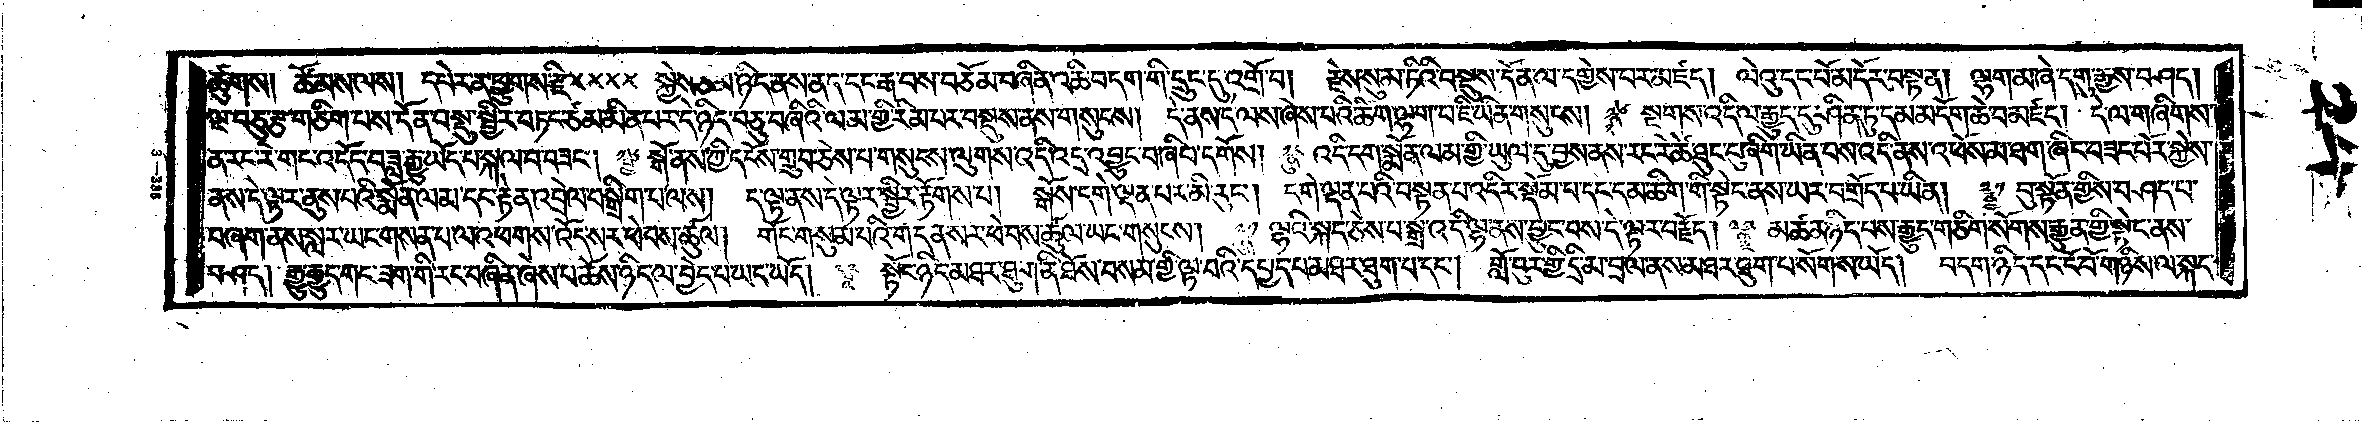ཚུགས། ཚོམས་ལས། དཔེར་ན་ཕྱུགས་རྫི྾྾྾྾་སྐྱེས་ཙམ་ཉིད་ནས་ནད་དང་རྒ་བས་བཅོམ་བཞིན་འཆི་བདག་གི་དྲུང་དུ་འགྲོ་བ། རྗེས་སུ་མ་ཏིའི་བསྡུས་དོན་ལ་དགྱེས་པར་མཛད། ལེའུ་དང་པོ་མདོར་བསྟན། ལྷག་མ་ཞེ་དགུ་རྒྱས་བཤད།
ལྔ་བཅུ་རྩ་གཅིག་པས་དོན་བསྡུ་སྤྱིར་བཏང་ཙམ་མིན་པར་དེ་ཉིད་བཅུ་བཞིའི་ལམ་གྱི་རིམ་པར་བསྡུས་ནས་གསུངས། དེ་ནས་དེ་ལས་ཞེས་པའི་ཚིག་ལྷག་པ་ཇི་ཡིན་གསུངས། ༡༦ན༢་སྔགས་འདི་ལ་རྒྱུད་དུ་ཤིན་ཏུ་དམ་མདོག་ཆེ་བ་མཛད། དེ་ལ་གཞིགས་
ན་རང་རེ་གང་འདོད་བཟླ་རྒྱུ་ཡོད་པ་སྐལ་བ་བཟང་། ༡༦བ༤་སྒོ་ནས་ཀྱི་དངོས་གྲུབ་ཅེས་པ་གསུངས་ལུགས་འདི་འདྲ་འབྱུང་བཞིབ་དགོས། ༡༨ན༦་འདི་དག་སྨོན་ལམ་གྱི་ཡུལ་དུ་བྱས་ནགས་རང་རེ་ཚེ་ཐུང་ངུ་ཞིག་ཡིན་པས་འདི་ནས་འཕོས་མ་ཐག་ཞིང་བཟང་པོར་སྐྱེས་
ནས་དེ་ལྟར་ནུས་པའི་སྨོན་ལམ་དང་རྟེན་འབྲེལ་བསྒྲིག་པ་ལས། དེ་ལྟ་ནས་དེ་ལྟར་སྤྱིར་རྟོགས་པ། སྒོས་དགེ་ལྡན་པར་མི་རུང་། དགེ་ལྡན་པའི་བསྟན་པ་འདིར་སྡོམ་པ་དང་དམ་ཚིག་གི་སྟེང་ནས་ཡར་བགྲོད་པ་ཡིན། ༢༡ན༤་བུ་སྟོན་གྱིས་བཤད་པ་
བཞག་ནས་སླར་ཡང་གསན་པ་ལ་འཕགས་འོད་སར་ཕེབས་ཚུལ། གོང་གསུམ་པའི་གདན་སར་ཕེབས་ཚུལ་ཡང་གསུངས། ༢༡ན༦་ལྷའི་སྐད་ཅེས་པ་སྒྲ་འདི་ལྷ་ནས་བྱུང་བས་དེ་ལྟར་བརྗོད། ༢༢ན༣་མཚན་ཉིད་པས་རྒྱུད་གཅིག་སོགས་རྒྱུན་གྱི་སྟེང་ནས་
བཤད། རྒྱུ་རྒྱུད་གང་ཟག་གི་རང་བཞིན་ཞེས་པ་ཆོས་ཉིད་ལ་བྱེད་པ་ཡང་ཡོད། ༢༢བ༢་སྟོང་ཉིད་མཐར་ཐུག་ནི་ཐོས་བསམ་གྱི་ལྟ་བའི་དཔྱད་པ་མཐར་ཐུག་པ་དང་། གློ་བུར་གྱི་དྲི་མ་བྲལ་ནས་མཐར་ཐུག་པ་སོགས་ཡོད། བདག་ཉིད་དང་ངོ་བོ་གཉིས་ལ་སྐད་